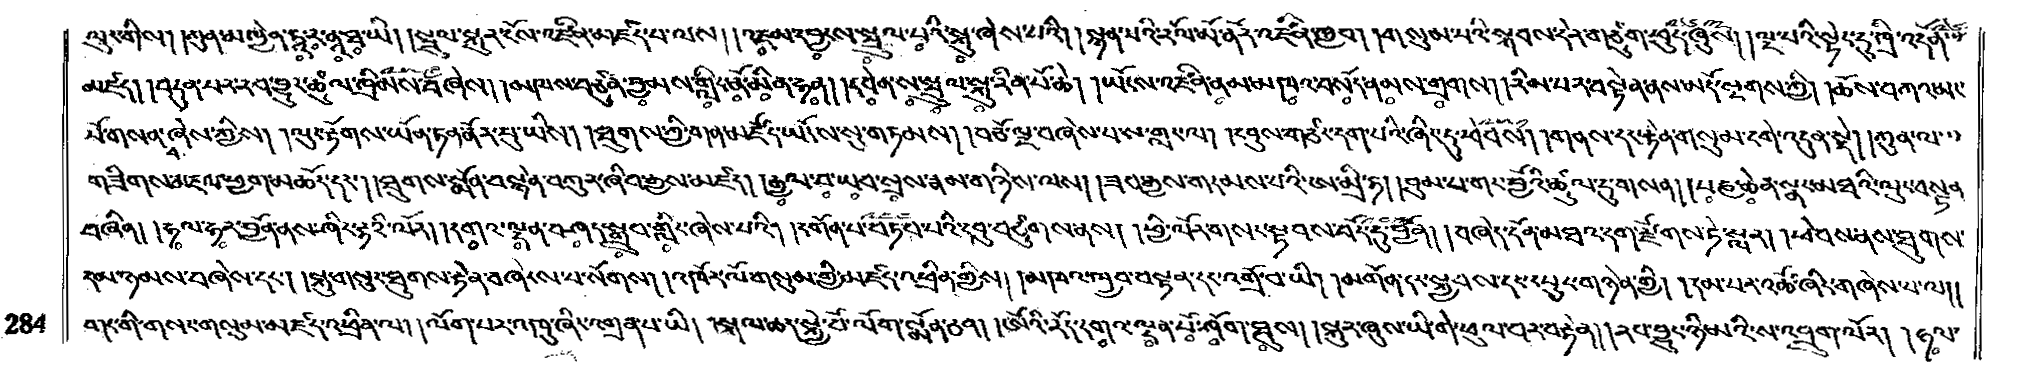ལུང་གིས། །ཀུན་མཁྱེན་ཏཱ་ར་ནཱ་ཐ་ཡི། །སྤྲུལ་སྐུར་ངོས་འཛིན་མཛད་པ་ལས། །འཇམ་དབྱངས་སྤྲུལ་པའི་སྐུ་ཞེས་པའི། །སྙན་པའི་རོལ་མོ་ནོར་འཛིན་ཁྱབ། །གསུམ་པའི་སྐབས་དེར་གཙུག་ཕུད་ཞུས། །ལྔ་པའི་སྟེང་དུ་ཁྲི་འདོན་
མཛད། །བདུན་པར་རབ་བྱུང་ཚུལ་ཁྲིམས་བཞེས། །མཁས་བཙུན་བྱམས་གླིང་ནོ་མིན་ཧན། །དབེན་ས་སྤྲུལ་སྐུ་རིན་པོ་ཆེ། །ཡོངས་འཛིན་ནམ་མཁའ་བསོད་ནམས་གྲགས། །རིམ་པར་བསྟེན་ནས་མདོ་སྔགས་ཀྱི། །ཆོས་བཀའ་མང་
པོ་གསན་བཞེས་ཀྱིས། །ལུང་རྟོགས་ཡོན་ཏན་ནོར་པུ་ཡིས། །ཐུགས་ཀྱི་གན་མཛོད་ཡོངས་སུ་གཏམས། །བཅོ་ལྔ་བཞེས་པ་ས་གླང་ལ། །དབུས་གཙང་དག་པའི་ཞིང་དུ་ཕེབས། །གནས་དང་རྟེན་གསུམ་དགེ་འདུན་སྡེ། །ཀུན་ལ་
གཟིགས་མཇལ་ཕྱག་མཆོད་དང་། །ཐུགས་སྨོན་བསྙེན་བཀུར་ཞིབ་རྒྱས་མཛད། །རྒྱལ་བ་ཡབ་སྲས་རྣམ་གཉིས་ལས། །ཟབ་རྒྱས་གདམས་པའི་ཨ་མྲི་ཏ། །བུམ་པ་གང་བྱོའི་ཚུལ་དུ་གསན། །པཎ་ཆེན་སྣང་མཐའི་ལུང་བསྟན་
བཞིན། །ཧལ་ཧར་བྱོན་ནས་ཤིང་རྟའི་ལོར། །དགའ་ལྡན་བཤད་སྒྲུབ་གླིང་ཞེས་པའི། །དགོན་པ་བཏབ་པའི་དབུ་བཙུགས་ནས། །ཕྱི་ལོར་གསང་སྟབས་བོད་དུ་བྱོན། །བཞེད་དོན་མཐའ་དག་རྫོགས་ཏེ་སླར། །ཕེབས་ནས་ཐུགས་
དམ་ཉམས་བཞེས་དང་། །སྐུ་གསུང་ཐུགས་རྟེན་བཞེངས་པ་སོགས། །འཁོར་ལོ་གསུམ་གྱི་མཛད་འཕྲིན་གྱིས། །མཁའ་ཁྱབ་བསྟན་དང་འགྲོ་བ་ཡི། །མགོན་དང་སྐྱབས་དང་དཔུང་གཉེན་གྱི། །དམ་པར་འཚོ་ཞིང་གཞེས་པ་ལ།།
གང་གི་གསང་གསུམ་མཛད་འཕྲིན་ལ། །ལོག་པར་འཁུ་ཞིང་འགྲན་པ་ཡི། །སྐལ་ཆད་སྐྱེ་བོ་ལོག་སྨོན་ཅན། །ཨོའི་རོད་དགའ་ལྡན་པོ་ཤོག་ཐུས། །སྐུར་ཞུས་ཡི་གེ་ཕུལ་བར་བརྟེན། །རབ་བྱུང་ཉི་མའི་ས་འབྲུག་ལོར། །ཧལ་